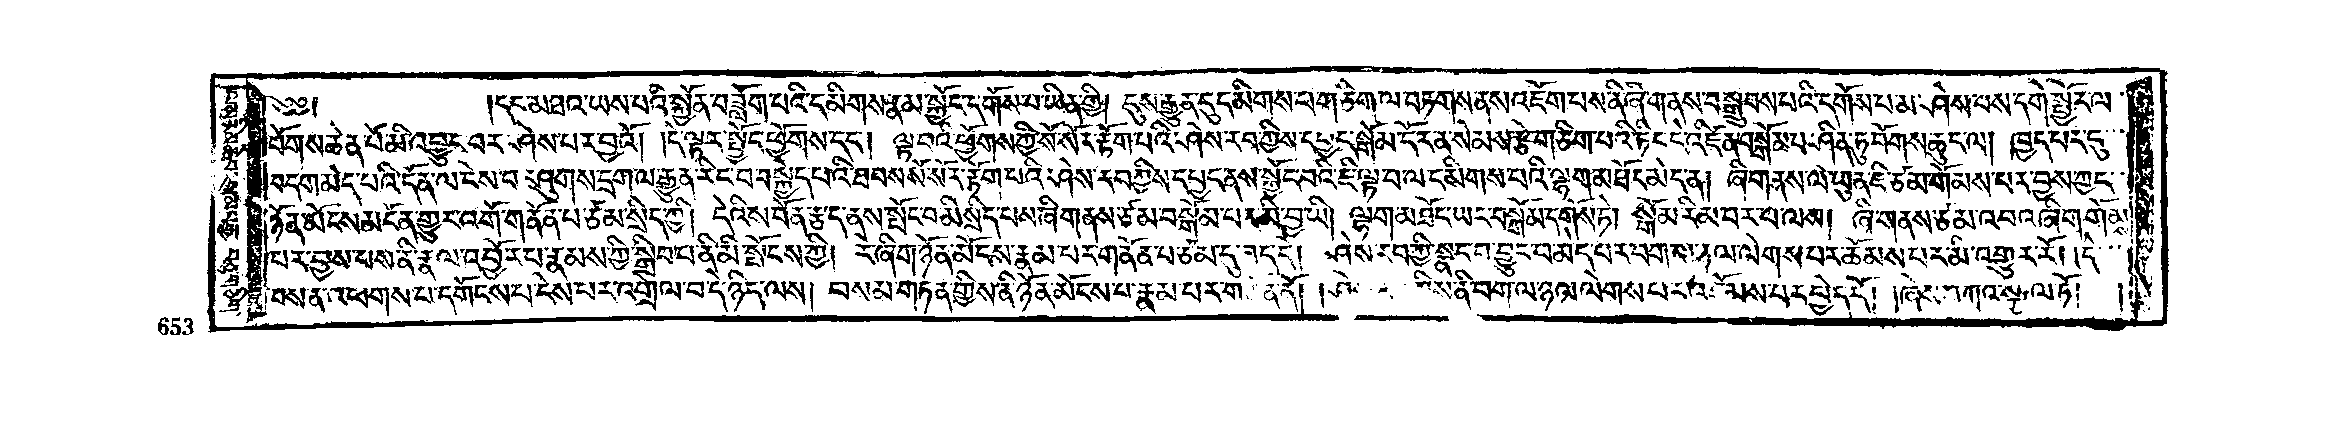༄༅། །དང་མཐའ་ཡས་པའི་སྐྱོན་བཟློག་པའི་དམིགས་རྣམ་སྐྱོང་དགོས་པ་ཡིན་གྱི། དུས་རྒྱུན་དུ་དམིགས་པ་གཅིག་ལ་བཏགས་ནས་འཇོག་པས་ནི་ཞི་གནས་བསྒྲུབས་པའི་དགོས་པ་མ་ཤེས་པས་དགེ་སྦྱོར་ལ་
བོགས་ཆེན་པོ་མི་འབྱུང་བར་ཤེས་པར་བྱའོ། །དེ་ལྟར་སྤྱོད་ཕྱོགས་དང་། ལྟ་བའི་ཕྱོགས་ཀྱི་སོ་སོར་རྟོག་པའི་ཤེས་རབ་ཀྱིས་དཔྱད་སྒོམ་དོར་ན་སེམས་རྩེ་གཅིག་པའི་ཏིང་ངེ་འཛིན་བསྒོམ་པ་ཤིན་ཏུ་བོགས་ཆུང་ལ། ཁྱད་པར་དུ་
བདག་མེད་པའི་དོན་ལ་ངེས་པ་ཤུགས་དྲག་ལ་རྒྱུན་རིང་བ་བསྐྱེད་པའི་ཐབས་སོ་སོར་རྟོག་པའི་ཤེས་རབ་ཀྱིས་དཔྱད་ནས་སྐྱོང་བའི་ཇི་ལྟ་བ་ལ་དམིགས་པའི་ལྷག་མཐོང་མེད་ན། ཞི་གནས་ལ་ཡུན་ཇི་ཙམ་གོམས་པར་བྱས་ཀྱང་
ཉོན་མོངས་མངོན་གྱུར་འགོ་གནོན་པ་ཙམ་སྲིད་ཀྱི། དེའི་ས་བོན་རྩད་ནས་སྤོང་བ་མི་སྲིད་པས་ཞི་གནས་ཙམ་བསྒོམ་པར་མི་བྱ་ཡི། ལྷག་མཐོང་ཡང་བསྒོམ་དགོས་ཏེ། སྒོམ་རིམ་བར་པ་ལས། ཞི་གནས་ཙམ་འབའ་ཞིག་གོམས་
པར་བྱས་པས་ནི་རྣལ་འབྱོར་པ་རྣམས་ཀྱི་སྒྲིབ་པ་ནི་མི་སྤོངས་ཀྱི། རེ་ཞིག་ཉོན་མོངས་རྣམ་པར་གནོན་པ་ཙམ་དུ་ཟད་དེ། ཤེས་རབ་ཀྱི་སྣང་བ་བྱུང་བ་མེད་པར་བག་ལ་ཉལ་ལེགས་པར་ཆོམས་པར་མི་འགྱུར་རོ། །དེ་
བས་ན་འཕགས་པ་དགོངས་པ་ངེས་པར་འགྲེལ་བ་དེ་ཉིད་ལས། བསམས་གཏན་གྱིས་ནི་ཉོན་མོངས་པ་རྣམ་པར་གནོན་ནོ། །ཤེས་རབ་ཀྱིས་ནི་བག་ལ་ཉལ་ལེགས་པར་འཇོམས་པར་བྱེད་དོ། །ཞེས་བཀའ་སྩལ་ཏོ། །